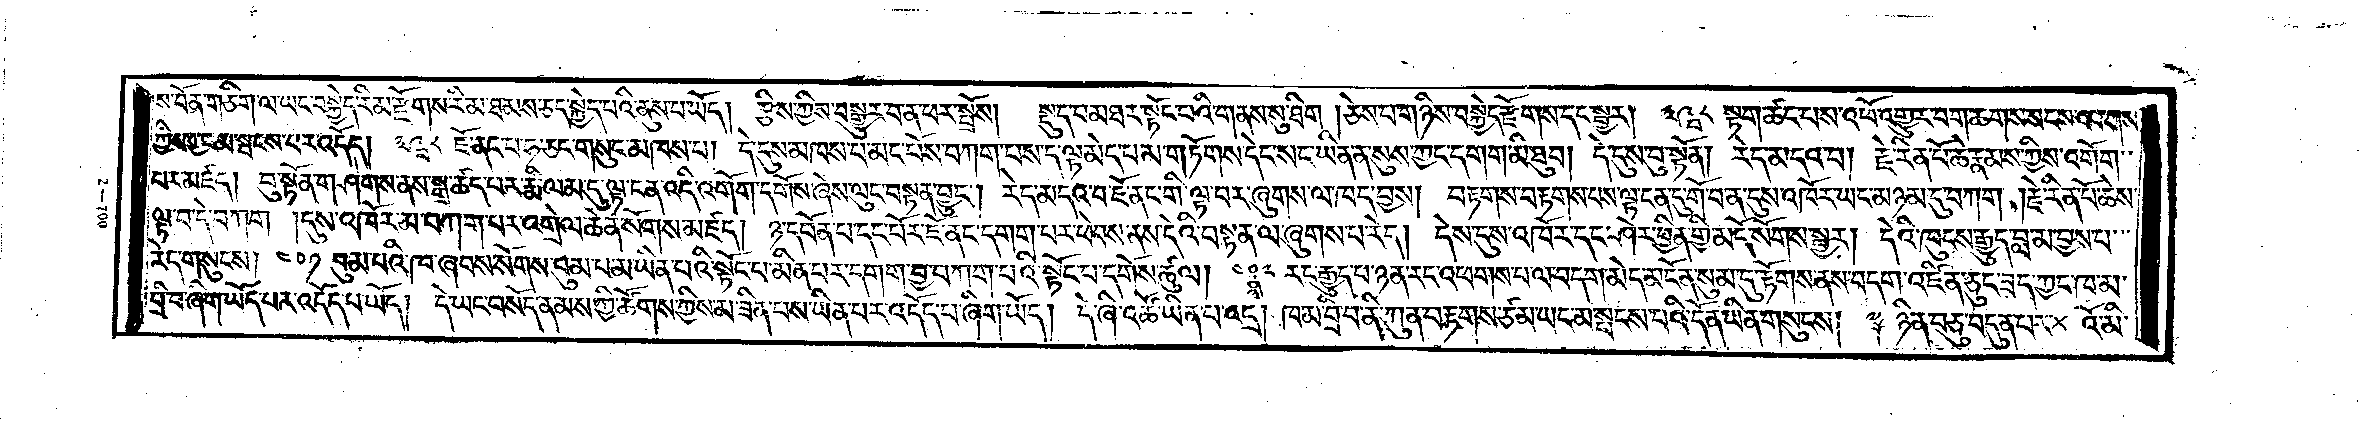ས་བོན་གཅིག་ལ་ཡང་བསྐྱེད་རིམ་རྫོགས་རིམ་ཐམས་ཅད་སྐྱེད་པའི་ནུས་པ་ཡོད། རྩིས་ཀྱིས་བསྒྱུར་བ་ན་ཕར་སྤྲོས། སྡུད་བ་མཐར་སྟོང་པའི་གནས་སུ་ཐིག །ཅེས་པ་གཉིས་བསྐྱེད་རྫོགས་དང་བྱར། ༣༩༨བ་སྟག་ཚང་པས་འཕོ་འགྱུར་བག་ཆགས་སངས་འཕགས་
ཀྱིས་ཀྱང་མ་སྤངས་པར་འདོད། ༣༩༨བ་ཇོ་ནང་པ་ཧ་ཅང་གསུང་མཁས་པ། དེ་དུས་མཁས་པ་མང་པོས་བཀག་པས་ད་ལྟ་མེད་པ་མ་གཏོགས་དེང་སང་ཡིན་ན་སུས་ཀྱང་དགག་མི་ཐུབ། དེ་དུས་བུ་སྟོན། རེད་མདའ་བ། རྗེ་རིན་པོ་ཆེ་རྣམས་ཀྱིས་འགོག་
པར་མཛད། བུ་སྟོན་གཤེགས་ནས་སྒྲ་ཚད་པར་རྨི་ལམ་དུ་ལྟ་ངན་འདི་འགོག་དགོས་ཞེས་ལུང་བསྟན་བྱུང་། རེད་མདའ་བ་ཇོ་ནང་གི་ལྟ་བར་ཞུགས་ལ་ཁྱད་བྱས། བརྟགས་བརྟགས་པས་ལྟ་ངན་དུ་གོ་བ་ན་དུས་འཁོར་ཡང་མཉམ་དུ་བཀག །རྗེ་རིན་པོ་ཆེས་
ལྟ་བ་དེ་བཀག །དུས་འཁོར་མ་བཀག་པར་འགྲེལ་ཆེན་སོགས་མཛད། ཉ་དབོན་པ་དང་པོར་ཇོ་ནང་དགག་པར་ཕེབས་ནས་དེའི་བསྟན་ལ་ཞུགས་པ་རེད། དེས་དུས་འཁོར་དང་ཤེར་ཕྱིན་གྱི་མདོ་སོགས་སྦྱར། དེའི་ཁུངས་རྒྱུད་བླ་མ་བྱས་པ་
རེད་གསུངས། ༤༠༡་བུམ་པའི་ཁ་ཞབས་སོགས་བུམ་པ་མ་ཡིན་པའི་སྟོང་པ་མིན་པར་དགག་བྱ་བཀག་པའི་སྟོང་པ་དགོས་ཚུལ། ༤༠༢ན༣་རང་རྒྱུད་པ་ཉན་རང་འཕགས་པ་ལ་བདག་མེད་མངོན་སུམ་དུ་རྟོགས་ནས་བདག་འཛིན་ཅུང་ཟད་ཀྱང་ཁ་མ་
བྲི་བ་ཞིག་ཡོད་པར་འདོད་པ་ཡོད། དེ་ཡང་བསོད་ནམས་ཀྱི་ཚོགས་ཀྱིས་མ་ཟིན་པས་ཡིན་པར་འདོད་པ་ཞིག་ཡོད། དེ་ཞི་འཚོ་ཡིན་པ་འདྲ། ཁ་མ་བྲི་བ་ནི་ཀུན་བརྟགས་ཙམ་ཡང་མ་སྤངས་པའི་དོན་ཡིན་གསུངས། ༈ ཉིན་བཅུ་བདུན་པར་྾་འོ་མི་